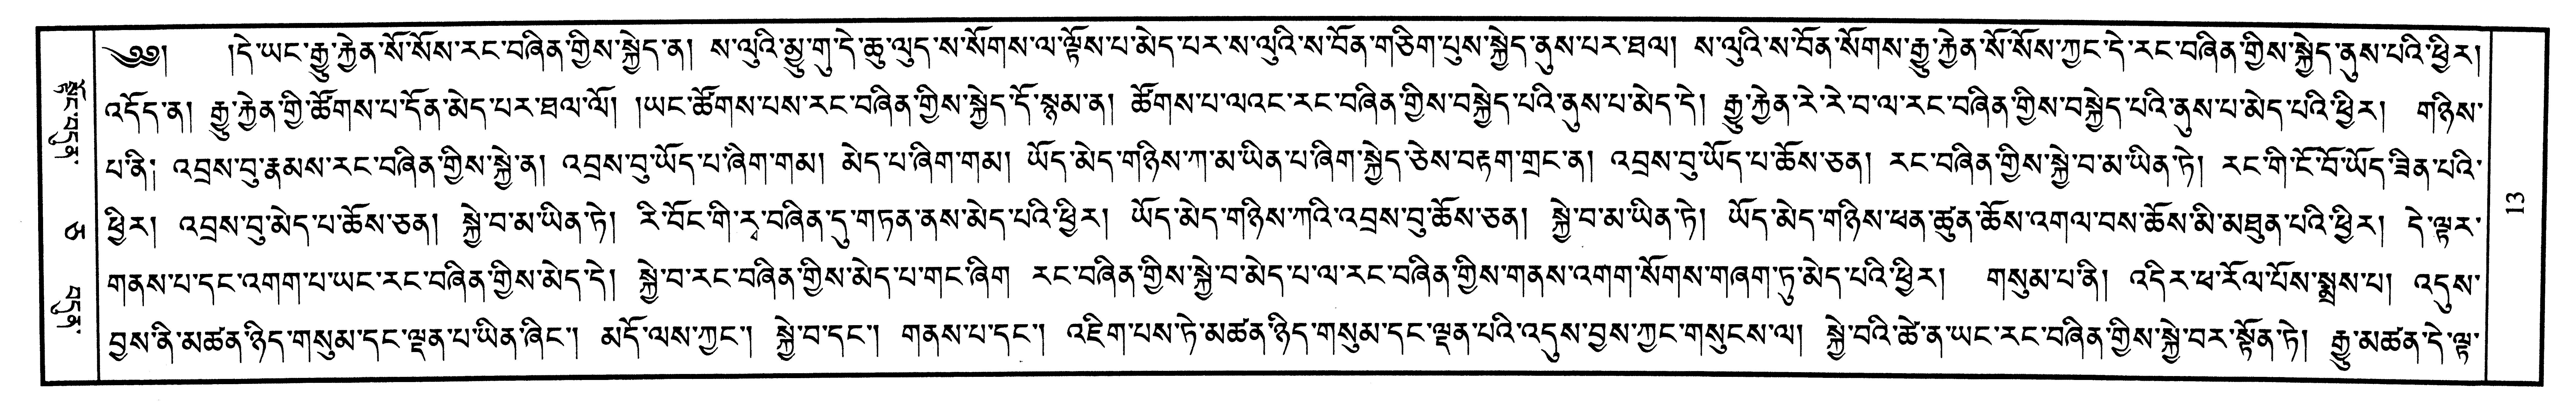༄༅། །དེ་ཡང་རྒྱུ་རྐྱེན་སོ་སོས་རང་བཞིན་གྱིས་སྐྱེད་ན། ས་ལུའི་མྱུ་གུ་དེ་ཆུ་ལུད་ས་སོགས་ལ་ལྟོས་པ་མེད་པར་ས་ལུའི་ས་བོན་གཅིག་པུས་སྐྱེད་ནུས་པར་ཐལ། ས་ལུའི་ས་བོན་སོགས་རྒྱུ་རྐྱེན་སོ་སོས་ཀྱང་དེ་རང་བཞིན་གྱིས་སྐྱེད་ནུས་པའི་ཕྱིར།
འདོད་ན། རྒྱུ་རྐྱེན་གྱི་ཚོགས་པ་དོན་མེད་པར་ཐལ་ལོ། །ཡང་ཚོགས་པས་རང་བཞིན་གྱིས་སྐྱེད་དོ་སྙམ་ན། ཚོགས་པ་ལའང་རང་བཞིན་གྱིས་བསྐྱེད་པའི་ནུས་པ་མེད་དེ། རྒྱུ་རྐྱེན་རེ་རེ་བ་ལ་རང་བཞིན་གྱིས་བསྐྱེད་པའི་ནུས་པ་མེད་པའི་ཕྱིར། གཉིས་
པ་ནི། འབྲས་བུ་རྣམས་རང་བཞིན་གྱིས་སྐྱེ་ན། འབྲས་བུ་ཡོད་པ་ཞིག་གམ། མེད་པ་ཞིག་གམ། ཡོད་མེད་གཉིས་ཀ་མ་ཡིན་པ་ཞིག་སྐྱེད་ཅེས་བརྟག་གྲང་ན། འབྲས་བུ་ཡོད་པ་ཆོས་ཅན། རང་བཞིན་གྱིས་སྐྱེ་བ་མ་ཡིན་ཏེ། རང་གི་ངོ་བོ་ཡོད་ཟིན་པའི་
ཕྱིར། འབྲས་བུ་མེད་པ་ཆོས་ཅན། སྐྱེ་བ་མ་ཡིན་ཏེ། རི་བོང་གི་རྭ་བཞིན་དུ་གཏན་ནས་མེད་པའི་ཕྱིར། ཡོད་མེད་གཉིས་ཀའི་འབྲས་བུ་ཆོས་ཅན། སྐྱེ་བ་མ་ཡིན་ཏེ། ཡོད་མེད་གཉིས་ཕན་ཚུན་ཆོས་འགལ་བས་ཆོས་མི་མཐུན་པའི་ཕྱིར། དེ་ལྟར་
གནས་པ་དང་འགག་པ་ཡང་རང་བཞིན་གྱིས་མེད་དེ། སྐྱེ་བ་རང་བཞིན་གྱིས་མེད་པ་གང་ཞིག །རང་བཞིན་གྱིས་སྐྱེ་བ་མེད་པ་ལ་རང་བཞིན་གྱིས་གནས་འགག་སོགས་གཞག་ཏུ་མེད་པའི་ཕྱིར། གསུམ་པ་ནི། འདིར་ཕ་རོལ་པོས་སྨྲས་པ། འདུས་
བྱས་ནི་མཚན་ཉིད་གསུམ་དང་ལྡན་པ་ཡིན་ཞིང་། མདོ་ལས་ཀྱང་། སྐྱེ་བ་དང་། གནས་པ་དང་། འཇིག་པས་ཏེ་མཚན་ཉིད་གསུམ་དང་ལྡན་པའི་འདུས་བྱས་ཀྱང་གསུངས་ལ། སྐྱེ་བའི་ཚེ་ན་ཡང་རང་བཞིན་གྱིས་སྐྱེ་བར་སྟོན་ཏེ། རྒྱུ་མཚན་དེ་ལྟ་